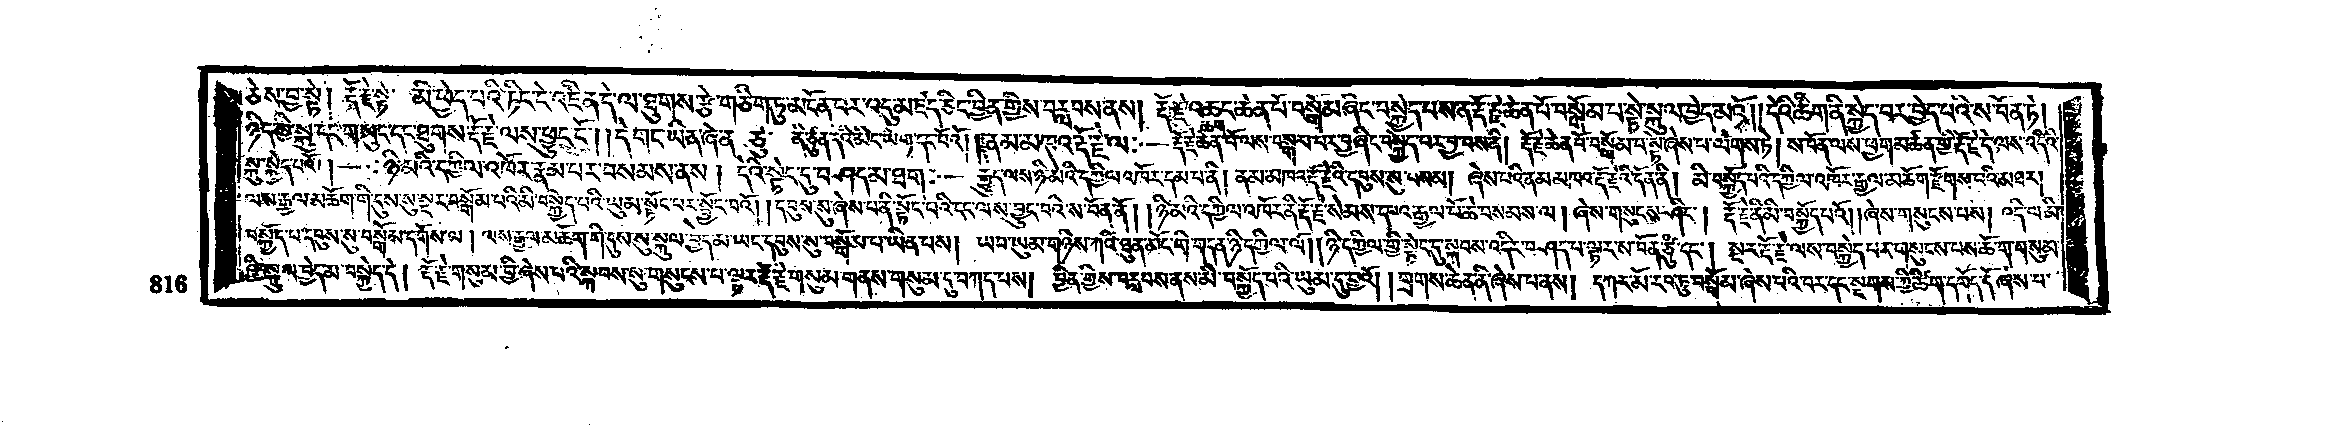ཅེས་བྱ་སྟེ། རྡོ་རྗེ་སྟེ་མི་ཕྱེད་པའི་ཏིང་ངེ་འཛིན་དེ་ལ་ཐུགས་རྩེ་གཅིག་ཏུ་མངོན་པར་འདུ་མཛད་ཅིང་བྱིན་གྱིས་བརླབས་ནས། རྡོ་རྗེ་འཆང་ཆེན་པོ་བསྐོམ་ཞིང་བསྐྱེད་པས་ན་རྡོ་རྗེ་ཆེན་པོ་བསྒོམ་པ་སྟེ་སྐུལ་བྱེད་མའོ། །དེའི་ཚིག་ནི་སྐྱེད་པར་བྱེད་པའི་ས་བོན་ཏེ།
ཉིད་ཀྱི་སྐུ་དང་གསུང་དང་ཐུགས་རྡོ་རྗེ་ལས་ཕྱུང་ངོ། །དེ་གང་ཡིན་ཞེ་ན། ཙུན་ནི་ཙུན་དེའི་མིང་ཡིག་དང་པོའོ།  །ནམ་མཁའ་རྡོ་རྗེ་ལཿ་རྡོ་རྗེ་ཆེན་པོ་ལས་བསྒོམ་པར་བྱ་ཞིང་བསྐྱེད་པར་བྱ་བས་ནི། རྡོ་རྗེ་ཆེན་པོ་བསྒོམ་པ་སྟེ་ཞེས་པ་ལེགས་ཏེ། ས་བོན་ལས་ཕྱག་མཚན་གྱི་རྡོ་རྗེ་དེ་ལས་འདིའི་
སྐུ་སྐྱེད་པའོ། །.Hཉི་མའི་དཀྱིལ་འཁོར་རྣམ་པར་བསམས་ནས། དེའི་སྟེང་དུ་བཤད་མ་ཐགཿ་རྒྱུད་ལས་ཉི་མའི་དཀྱིལ་འཁོར་དམ་པ་ནི། ནམ་མཁའ་རྡོ་རྗེའི་དབུས་སུ་བསམ། ཞེས་པའི་ནམ་མཁའ་རྡོ་རྗེའི་དོན་ནི། མི་བསྐྱེད་པའི་དཀྱིལ་འཁོར་རྒྱལ་མཆོག་རྫོགས་པའི་མཐར།
ལས་རྒྱལ་མཆོག་གི་དུས་སུ་སྔར་བསྒོམ་པའི་མི་བསྐྱེད་པའི་ཡུམ་སྟོང་པར་སྦྱོང་བའོ། །དབུས་སུ་ཞེས་པ་ནི་སྟོང་པའི་ངང་ལས་བྱུང་བའི་ས་བོན་ནོ། །ཉི་མའི་དཀྱིལ་འཁོར་ནི་རྡོ་རྗེ་སེམས་དཔའ་རྒྱལ་པོ་ཆེ་བསམས་ལ། ཞེས་གསུངས་ཤིང་། རྡོ་རྗེ་ནི་མི་བསྐྱོད་པའོ། །ཞེས་གསུངས་པས། འདི་ལ་མི་
བསྐྱོད་པ་དབུས་སུ་བསྒོམ་དགོས་ལ། ལས་རྒྱལ་མཆོག་གི་དུས་སུ་སྐུལ་བྱེད་མ་ཡང་དབུས་སུ་བསྒོམ་པ་ཡིན་པས། ཡབ་ཡུམ་གཉིས་ཀའི་ཐུན་མོང་གི་གདན་ཉི་དཀྱིལ་ལོ། །ཉི་དཀྱིལ་གྱི་སྟེང་དུ་སྐབས་འདིར་བཤད་པ་ལྟར་ས་བོན་ཙུཾ་དང་། སྔར་རྡོ་རྗེ་ལས་བསྐྱེད་པར་གསུངས་པས་ཆོ་ག་གསུམ་
གྱི་སྐུ་ལ་བྱེད་མ་བསྐྱེད་དེ། རྡོ་རྗེ་གསུམ་གྱི་ཞེས་པའི་སྐབས་སུ་གསུངས་པ་ལྟར་རྡོ་རྗེ་གསུམ་གནས་གསུམ་དུ་བཀད་པས། བྱིན་གྱིས་བརླབས་ནས་མི་བསྐྱེད་པའི་ཡུམ་དུ་བྱའོ། །གྲགས་ཆེན་ནི་ཞེས་པ་ནས། དཀར་མོ་རབ་ཏུ་བསྒོམ་ཞེས་པའི་བར་དང་སྔགས་ཀྱི་ཚིག་དགོད་དོ་ཞེས་པ་